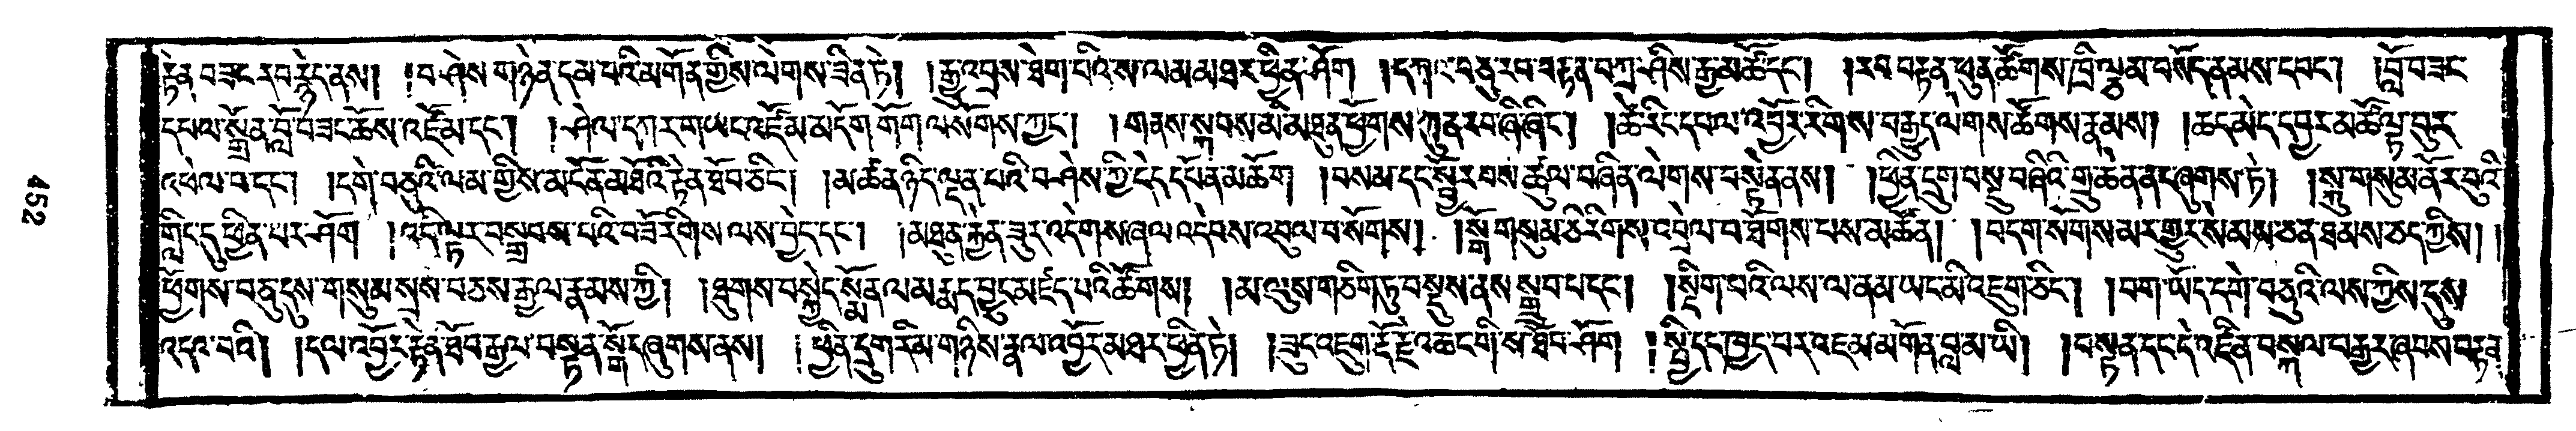རྟེན་བཟང་རབ་རྙེད་ནས། །བཤེས་གཉེན་དམ་བའི་མགོན་གྱིས་ལེགས་ཟིན་ཏེ། །རྒྱུ་འབྲས་ཐེག་པའི་ས་ལམ་མཐར་ཕྱིན་ཤོག །དཀའ་བཅུ་རབ་བརྟན་བཀྲ་ཤིས་རྒྱ་མཚོ་དང་། །རབ་བརྟན་ཕུན་ཚོགས་ཁྲི་ལྕམ་བསོད་ནམས་དབང་། །བློ་བཟང་
དཔལ་སྒྲོན་བློ་བཟང་ཆོས་འཛོམ་དང་། །ཤེལ་དཀར་གཡང་འཛོམ་མདོག་གོག་ལ་སོགས་ཀྱང་། །གནས་སྐབས་མི་མཐུན་ཕྱོགས་ཀུན་རབ་ཞི་ཞིང་། །ཚེ་རིང་དཔལ་འབྱོར་རིགས་བརྒྱུད་ལེགས་ཚོགས་རྣམས། །ཆང་མེད་དབྱར་མཚོ་ལྟ་བུར་
འཕེལ་བ་དང་། །དགེ་བཅུའི་ལམ་གྱིས་མངོན་མཐོའི་རྟེན་ཐོབ་ཅིང་། །མཚན་ཉིད་ལྡན་པའི་བཤེས་ཀྱི་དེད་དཔོན་མཆོག །བསམ་དང་སྦྱོར་བས་ཚུལ་བཞིན་ལེགས་བསྟེན་ནས། །ཕྱིན་དྲུག་བསྡུ་བཞིའི་གྲུ་ཆེན་ནང་ཞུགས་ཏེ། །སྐུ་གསུམ་ནོར་བུའི་
གླིང་དུ་ཕྱིན་པར་ཤོག །འདི་ལྟར་བསྒྲབས་པའི་བཟོ་རིགས་ལས་བྱེད་དང་། །མཐུན་རྐྱེན་ཟུར་འདེགས་ཞལ་འདེབས་བུལ་བ་སོགས། །སྒོ་གསུམ་ཅི་རིགས་འབྲེལ་བ་ཐོགས་པས་མཚོན། །བདག་སོགས་མར་གྱུར་སེམས་ཅན་ཐམས་ཅད་ཀྱིས།།
ཕྱོགས་བཅུ་དུས་གསུམ་སྲས་བཅས་རྒྱལ་རྣམས་ཀྱི། །ཐུགས་བསྐྱེད་སྨོན་ལམ་རྨད་བྱུང་མཛད་པའི་ཚོགས། །མ་ལུས་གཅིག་ཏུ་བསྡུས་ནས་སྒྲུབ་པ་དང་། །སྡིག་པའི་ལས་ལ་ནམ་ཡང་མི་འཇུག་ཅིང་། །བག་ཡོད་དགེ་བཅུའི་ལས་ཀྱིས་དུས་
འདའ་བའི། །དལ་འབྱོར་རྟེན་ཐོབ་རྒྱལ་བསྟན་སྒོར་ཞུགས་ནས། །ཕྱིན་དྲུག་རིམ་གཉིས་རྣལ་འབྱོར་མཐར་ཕྱིན་ཏེ། །ཟུང་འཇུག་རྡོ་རྗེ་འཆང་གི་ས་ཐོབ་ཤོག །སྤྱི་དང་ཁྱད་པར་འཇམ་མགོན་བླ་མ་ཡི། །བསྟན་དང་དེ་འཛིན་བསྐལ་བརྒྱར་ཞབས་བརྟན་